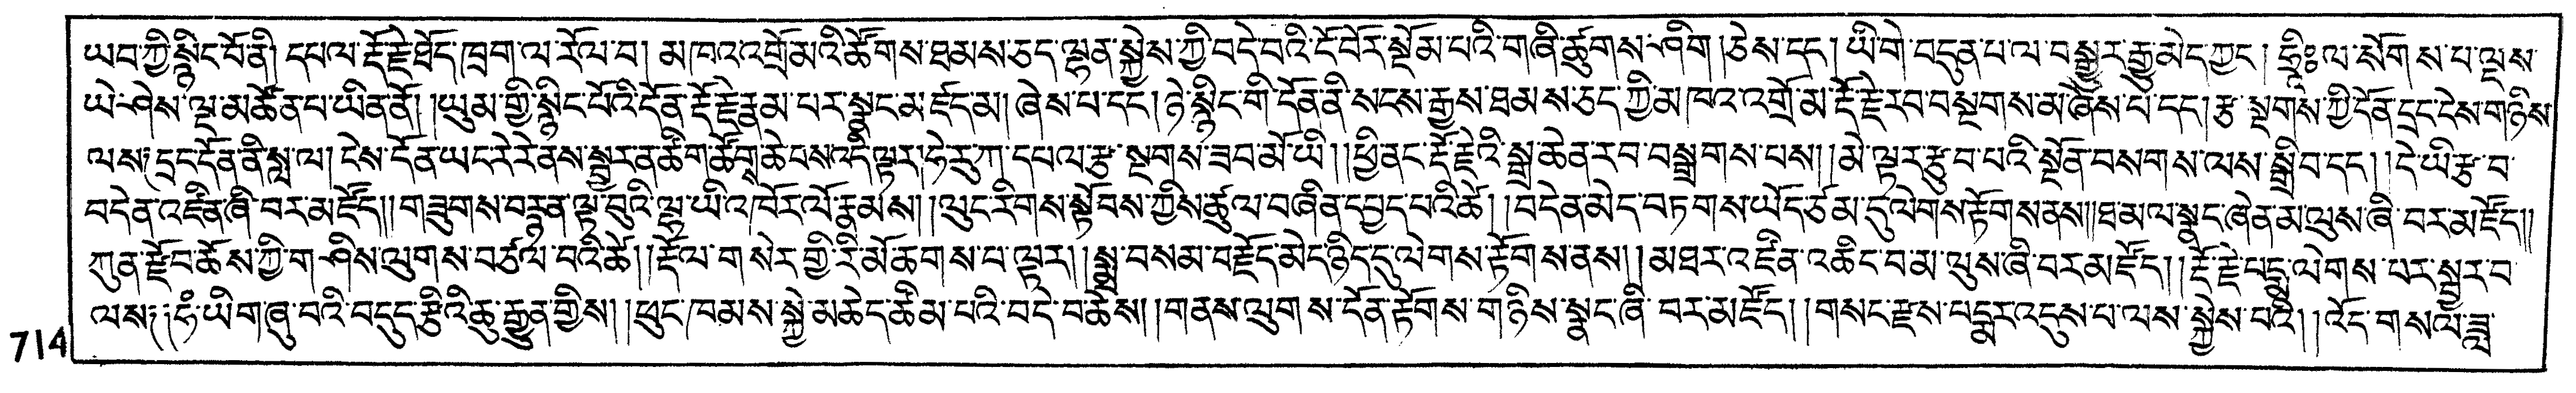ཡབ་ཀྱི་སྙིང་པོ་ནི། དཔལ་རྡོ་རྗེ་ཐོད་ཁྲག་ལ་རོལ་བ། མཁའ་འགྲོ་མའི་ཚོགས་ཐམས་ཅད་ལྷན་སྐྱེས་ཀྱི་བདེ་བའི་ངོ་བོར་སྡོམ་པའི་གཞི་ཚུགས་ཤིག །ཅེས་དང་། ཡི་གེ་བདུན་པ་ལ་བསྒྱུར་རྒྱུ་མེད་ཀྱང་། ཧྲཱིཿ ལ་སོགས་པ་ལྔས་
ཡེ་ཤེས་ལྔ་མཚོན་པ་ཡིན་ནོ། །ཡུམ་གྱི་སྙིང་པོའི་དོན་རྡོ་རྗེ་རྣམ་པར་སྣང་མཛད་མ། ཞེས་པ་དང་། ཉེ་སྙིང་གི་དོན་ནི་སངས་རྒྱས་ཐམས་ཅད་ཀྱི་མཁའ་འགྲོ་མ་རྡོ་རྗེ་རབ་བསྔགས་མ་ཞེས་པ་དང་། རྩ་སྔགས་ཀྱི་དོན་དྲང་ངེས་གཉིས་
ལས། དྲང་དོན་ནི་སླ་ལ། ངེས་དོན་ཡང་རེ་རེ་ནས་སྦྱར་ན་ཚིག་ཚོགས་ཆེ་བས་འདི་ལྟར། ཧེ་རུ་ཀ་དཔལ་རྩ་སྔགས་ཟབ་མོ་ཡི། །ཕྱི་ནང་རྡོ་རྗེའི་སྒྲ་ཆེན་རབ་བསྒྲགས་པས། །མེ་ལྟར་རྩུབ་པའི་སྔོན་བསགས་ལས་སྒྲིབ་དང་། །དེ་ཡི་རྩ་བ་
བདེན་འཛིན་ཞི་བར་མཛོད། །གཟུགས་བརྙན་ལྟ་བུའི་ལྷ་ཡི་འཁོར་ལོ་རྣམས། །ལུང་རིགས་སྟོབས་ཀྱིས་ཚུལ་བཞིན་དཔྱད་པའི་ཚེ། །བདེན་མེད་བཏགས་ཡོད་ཙམ་དུ་ལེགས་རྟོགས་ནས། །ཐ་མལ་སྣང་ཞེན་མ་ལུས་ཞི་བར་མཛོད།།
ཀུན་རྫོབ་ཆོས་ཀྱི་གཤིས་ལུགས་བཙལ་བའི་ཚེ། །རྡོལ་གསེར་གྱི་རི་མོ་ཆགས་པ་ལྟར། །སྨྲ་བསམ་བརྗོད་མེད་ཉིད་དུ་ལེགས་རྟོགས་ནས། །མཐར་འཛིན་འཆིང་བ་མ་ལུས་ཞི་བར་མཛོད། །རྡོ་རྗེ་པདམ་ལེགས་པར་སྦྱར་བ་
ལས། །ཧཾ་ཡིག་ཞུ་བའི་བདུད་རྩིའི་ཆུ་རྒྱུན་གྱིས། །ཕུང་ཁམས་སྐྱེ་མཆེད་ཚིམ་པའི་བདེ་བ་ཆེས། །གནས་ལུགས་དོན་རྟོགས་གཉིས་སྣང་ཞི་བར་མཛོད། །གསང་རྫས་པདམར་འདུས་པ་ལས་སྐྱེས་པའི། །འོད་གསལ་ཟླ་